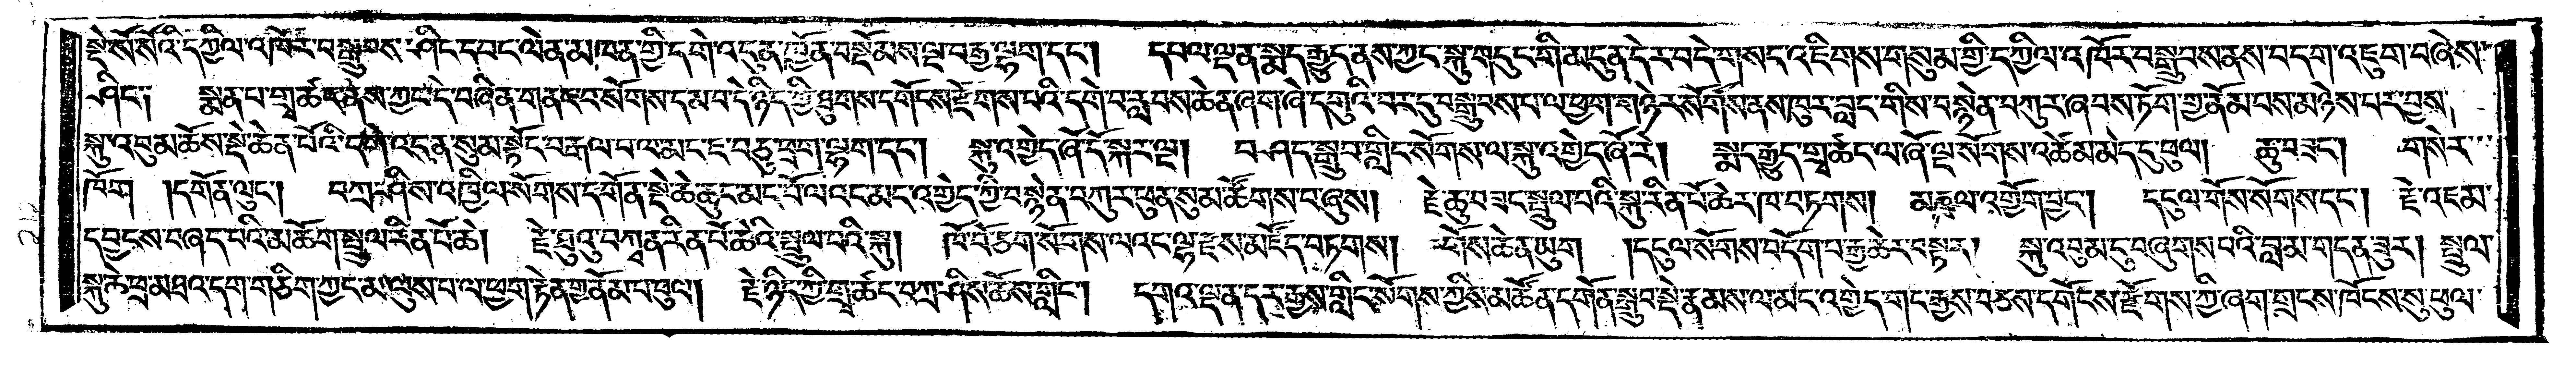སྡེ་སོ་སོའི་དཀྱིལ་འཁོར་བསྒྲུབས་ཤིང་དབང་ལེན་མཁན་གྱི་དགེ་འདུན་ཁྱོན་བསྔོམས་ལྔ་བརྒྱ་ལྷག་དང་། དཔལ་ལྡན་སྨད་རྒྱུད་ནས་ཀྱང་སྐུ་གདུང་གི་མདུན་དེར་བདེ་གསང་འཇིགས་གསུམ་གྱི་དཀྱིལ་འཁོར་བསྒྲུབས་ནས་བདག་འཇུག་བཞེས་
ཤིང༑ སྨན་པ་གྲྭ་ཚང་ནས་ཀྱང་དེ་བཞིན་གནང་བ་སོགས་དམ་བ་དེ་ཉིད་ཀྱི་ཐུགས་དགོངས་རྫོགས་པའི་དགེ་བ་རླབས་ཆེན་ཞག་ཞེ་དགུའི་བར་དུ་བསྒྲུབས་པ་ལ་ཕྱག་གཉེར་སོགས་ནས་ཁུར་བླང་གིས་བསྙེན་བཀུར་ཞབས་ཏོག་གྱ་ནོམ་པས་མཉེས་པར་བྱས།
སྐུ་འབུམ་ཆོས་སྡེ་ཆེན་པོའི་དགེ་འདུན་སུམ་སྟོང་བརྒལ་བ་ལ་མང་ཇ་བཅུ་ཕྲག་ལྷག་དང་། སྐུ་འགྱེད་ཞོ་དོ་སྐར་ལྔ། བཤད་སྒྲུབ་གླིང་སོགས་ལ་སྐུ་འགྱེད་ཞོ་རེ། སྨད་རྒྱུད་གྲྭ་ཚང་ལ་ཞོ་ལྔ་སོགས་འཚེམ་མེད་དུ་བུལ། ཆུ་བཟང་། གསེར་
ཁོག །དགོན་ལུང་། བཀྲ་ཤིས་འཁྱིལ་སོགས་དགོན་སྡེ་ཆེ་ཆུང་མང་པོ་ལའང་མང་འགྱེད་ཀྱི་བསྙེན་བཀུར་ཕུན་སུམ་ཚོགས་པ་ཞུས། རྗེ་ཆུ་བཟང་སྤྲུལ་པའི་སྐུ་རིན་པོ་ཆེར་ཁ་བཏགས། མཎྜལ་འགྱོག་བྱང་། དངུལ་གོས་སོགས་དང་། རྗེ་འཇམ་
དབྱངས་བཞད་པའི་མཆོག་སྤྲུལ་རིན་པོ་ཆེ། རྗེ་ཐུའུ་བཀྭན་རིན་པོ་ཆེའི་སྤྲུལ་པའི་སྐུ། ཁོ་བོ་ཅག་སོགས་ལའང་ལྷ་རྫས་མཛོད་བཏགས། གོས་ཆེན་ཡུག །དངུལ་སོགས་བདོག་བ་རྒྱ་ཆེར་བསྟར། སྐུ་འབུམ་དུ་བཞུགས་པའི་བླ་མ་གདན་ཟུར། སྤྲུལ་
སྐུ་ཆེ་ཕྲ་མཐའ་དག་གཅིག་ཀྱང་མ་ལུས་པ་ལ་ཕྱག་རྟེན་གྱ་ནོམ་པ་ཕུལ། རྙེ་ཉིད་ཀྱི་གྲྭ་ཚང་བཀྲ་ཤིས་ཆོས་གླིང་། དགའ་ལྡན་དར་རྒྱས་གླིང་སོགས་ཀྱིས་མཚོན་དགོན་སྒྲུབ་སྡེ་རྣམས་ལ་མང་འགྱེད་གང་རྒྱས་བཅས་དགོངས་རྫོགས་ཀྱི་ཞག་གྲངས་ཁོངས་སུ་ཕུལ་